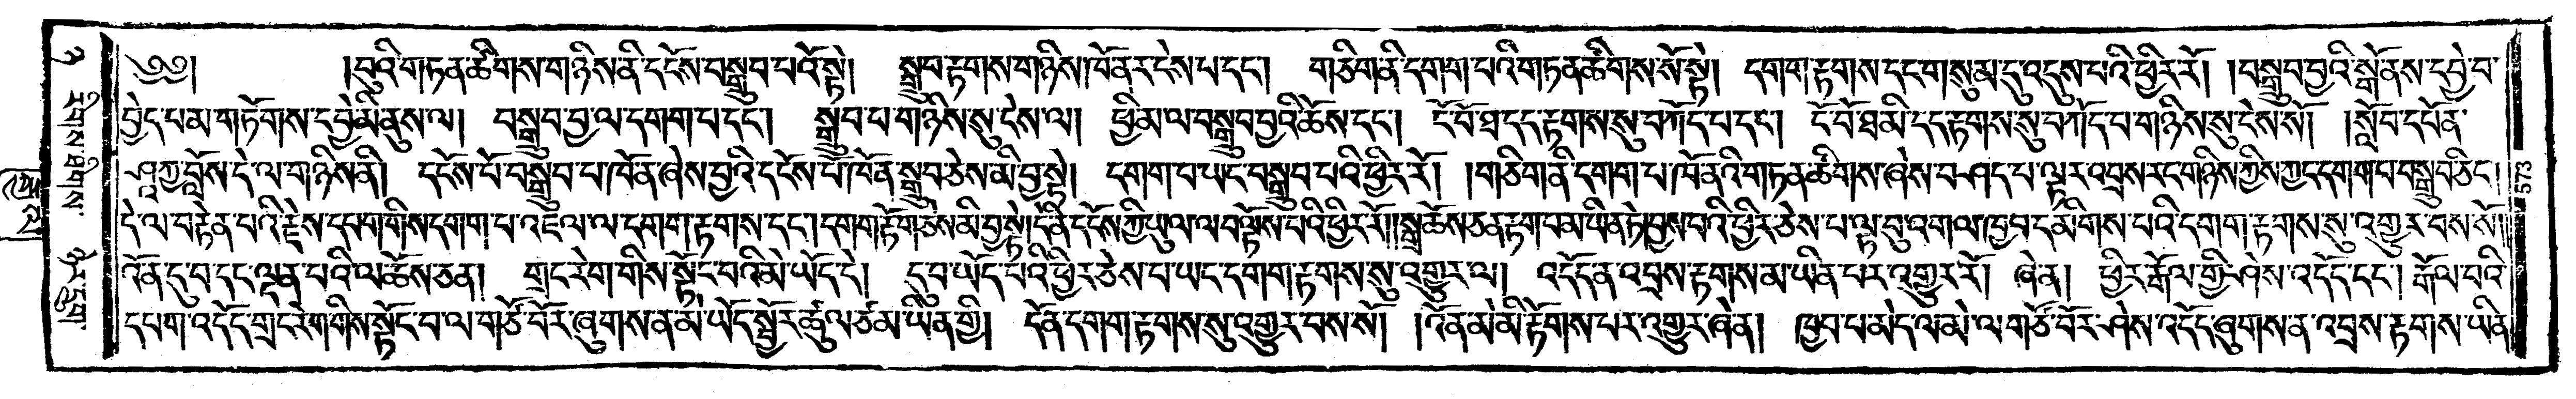༄༅། །བུའི་གཏན་ཚིགས་གཉིས་ནི་དངོས་བསྒྲུབ་པའོ་སྟེ། སྒྲུབ་རྟགས་གཉིས་ཁོ་ནར་ངེས་པ་དང་། གཅིག་ནི་དགག་པའི་གཏན་ཚིགས་སོ་སྟེ། དགག་རྟགས་དང་གསུམ་དུ་འདུས་པའི་ཕྱིར་རོ། །བསྒྲུབ་བྱའི་སྒོ་ནས་དབྱེ་བ་
བྱེད་པ་མ་གཏོགས་དབྱེ་མི་ནུས་ལ། བསྒྲུབ་བྱ་ལ་དགག་པ་དང་། སྒྲུབ་པ་གཉིས་སུ་ངེས་ལ། ཕྱི་མ་ལ་བསྒྲུབ་བྱའི་ཆོས་དང་། ངོ་བོ་ཐ་དད་རྟགས་སུ་བཀོད་པ་དང་། ངོ་བོ་ཐ་མི་དད་རྟགས་སུ་བཀོད་པ་གཉིས་སུ་ངེས་སོ། །སློབ་དཔོན་
ཤཱཀྱ་བློས་དེ་ལ་གཉིས་ནི། དངོས་པོ་བསྒྲུབ་པ་ཁོ་ན་ཞེས་བྱའི་དངོས་པོ་ཁོ་ན་སྒྲུབ་ཅེས་མི་བྱ་སྟེ། དགག་བ་ཡང་བསྒྲུབ་པའི་ཕྱིར་རོ། །གཅིག་ནི་དགག་པ་ཁོ་ནའི་གཏན་ཚིག་ཞེས་བཤད་པ་ལྟར་འབྲས་རང་གཉིས་ཀྱིས་ཀྱང་དགག་བ་བསྒྲུབ་ཅིང་།
དེ་ལ་བརྟེན་པའི་རྗེས་དཔག་གིས་དགག་པ་འཇལ་ལ་དགག་རྟགས་དང་། དགག་རྟོག་ཅེས་མི་བྱ་སྟེ། དེ་ནི་དངོས་ཀྱི་ཡུལ་ལ་བལྟོས་པའི་ཕྱིར་རོ། །སྒྲ་ཆོས་ཅན་རྟག་བ་མ་ཡིན་ཏེ། བྱས་པའི་ཕྱིར་ཅེས་པ་ལྟ་བུ་འགལ་ཁྱབ་དམིགས་པའི་དགག་རྟགས་སུ་འགྱུར་བས་སོ།
འོ་ན་དུ་བ་དང་ལྡན་པའི་ལ་ཆོས་ཅན། གྲང་རེག་གིས་སྟོང་བའི་མེ་ཡོད་དེ། དུ་བ་ཡོད་པའི་ཕྱིར་ཅེས་པ་ཡང་དགག་རྟགས་སུ་འགྱུར་ལ། འདོད་ན་འབྲས་རྟགས་མ་ཡིན་པར་འགྱུར་རོ། ཞེ་ན། ཕྱིར་རྒོལ་གྱི་ཤེས་འདོད་དང་། རྒོལ་བའི་
དཔག་འདོད་གྲང་རེག་གིས་སྟོང་བ་ལ་གཙོ་བོར་ཞུགས་ན་མེ་ཡོད་སྦྱོར་ཚུལ་ཙམ་ཡིན་གྱི། དོན་དགག་རྟགས་སུ་འགྱུར་བས་སོ། །འོ་ན་མེ་མི་རྟོགས་པར་འགྱུར་ཞེ་ན། ཁྱབ་པ་མེད་ལ་མེ་ལ་གཙོ་བོར་ཤེས་འདོད་ཞུགས་ན་འབྲས་རྟགས་ཡིན་